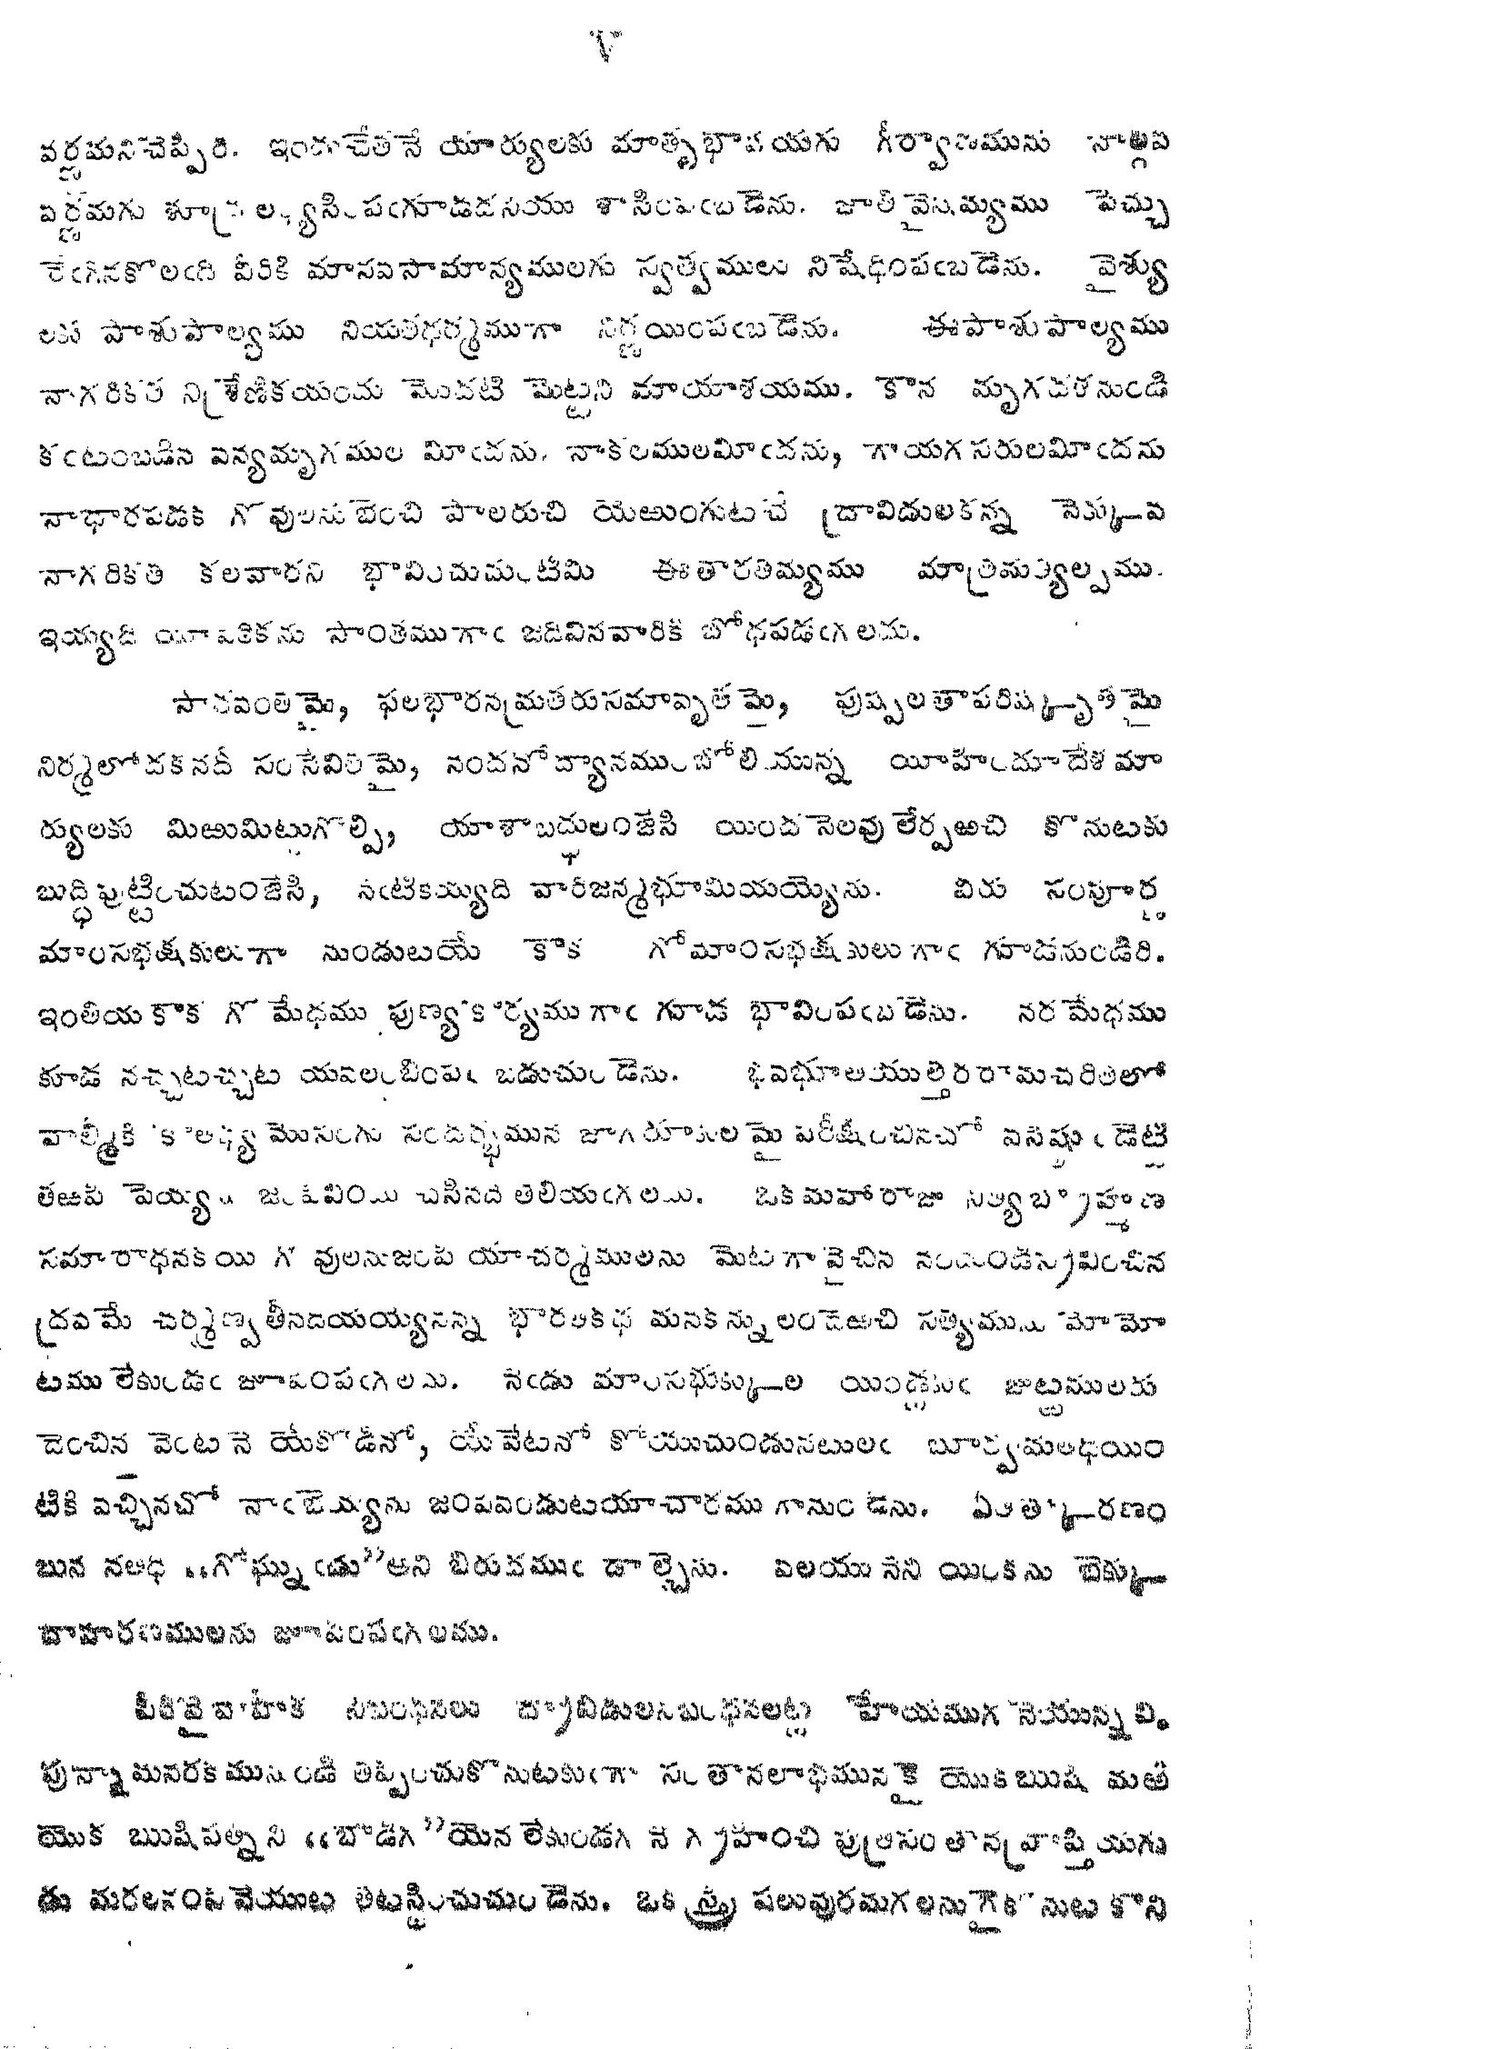వర్ణమున జేప్పిరి. ఇందుచేతనే యూర్యులకు మాతృభాష యగు గీర్వాణమును నాల్గవ
వర్ణమగు శూద్రులబ్యసింప గూడ దనియు శాసింప బడెను. జాతివైషమ్యము పెచ్చు 
రేఁగిన కొలది వీరికి మానవ సొమాన్యములగు స్వర్వములు నిషేధంపఁబడెను. వైశ్యు
లకు పాశుపాల్యము నియత ధర్మముగా నిర్ణయింపఁ బడెను.ఈ పాశు పాల్యము
"నా గరికత నిశ్రేణిక యందు మొదటి మెట్టని మాయాశయము. కాన మృగదశ నుండి
కంటం బడిన వన్యమృగముల మీదను. నాకలములమీఁదను, గాయగసురుల మీఁదను
నాదారపడక గోవులను బెంచి పొల రుచి యెఱుంగుటచే ద్రావిడులకన్న నెక్కువ
'నాగరికత కలవారని బావించు చుంటిమి. ఈ తారతమ్యము మాత్రమత్యల్పము.
ఇయ్యది ఈపీఠికను సొంతముగాఁ జదువిన వారికి బోధపడఁ గలదు,

సారవంతమై, ఫలభారనమ్రతరస మావృతమై, పుష్పలతా పరిష్కృతమై
నిర్మలోదక నదీ సంసేవితమై సందనోచ్యానము. బోలి యున్న యీహిందూ దేశ మా
ర్యులకు మిఱుమిట్లుగొల్పి, యాశా బద్దులం జేసి యందు నెలవు లేర్పఱచి కొనుటకు
బుద్ధి పుట్టించుటం జేసి, నాటికమ్యది వారి జన్మభూమి యయ్యెను. వీరు సంపూర్ణ
మాంస భక్షకులుగా నుండుటయే గోమాంసభక్షులు గాఁ గూడి నుండిరి.
ఇంతియ గాక గోమేధము పుణ్యకార్యముగా గూడ బావింప బడెను. నరమేదము 
కూడ నచ్చటచ్చట యవలంబింప బడు చుండెను. భవబూతి ఉత్తర రామ చరితంలో
వాల్మీకి కాతిద్య మొసంగు సందర్భమున జాగరూకులమై బరీక్షించినచో వశిష్టుడెట్టి 
తలపి పెయ్య . జదివింప జేసినది తెలియఁ గలదు.ఒక మహారాజ సహ్యబ్రాహ్మణ.
సమారాధనకయి గోవులను జంపి యా చర్మములను మెటగా వైచిన డబ్రంచిన
ద్రవమే చర్మణ్వ తీనది యయ్యనన్న భారతకథ మనకిన్నులం దెరచి సత్యము.
మోమోటము లేకుండఁ జూపంపఁ గలదు.. నేఁడు మాంసభుక్కుల యిండ్లకు జుట్టములరు దెంచిన వెంటనే యే కొడినో, యే వేటనో కోయు చుండునటులం బూర్వమంధయింటికి వచ్చినచో నాఁ డెయ్యను జంపి వండుట యాచారము గానుండెను. ఏతత్కారణంబున నలధ గోఘ్నుడు" అని బిరుదముఁ దాల్చెసు. వలయు నేని యింకను బెక్కుదాహరణములను జూపంప గలము.

వీరి వైవాహిక నిబందనలు ద్రావిడుల సంబందవలట్ల హేయముగనే యున్నవి.
పున్నామ నరకమునుండి తప్పించు కొనుటకు గాను సంతాన లాభముసకై యొక ఋషి మఱిి యొక ఋషి పత్ని "బాడుగ " యైన లేకుండగ నిగ్రహంచి పుత్ర సంతానప్రాప్తి యగు
డు మరలనంప వేయుట తటస్థించు చుండెను. ఒక స్త్రీ పలువుర మగలను గైకొనుట కొని